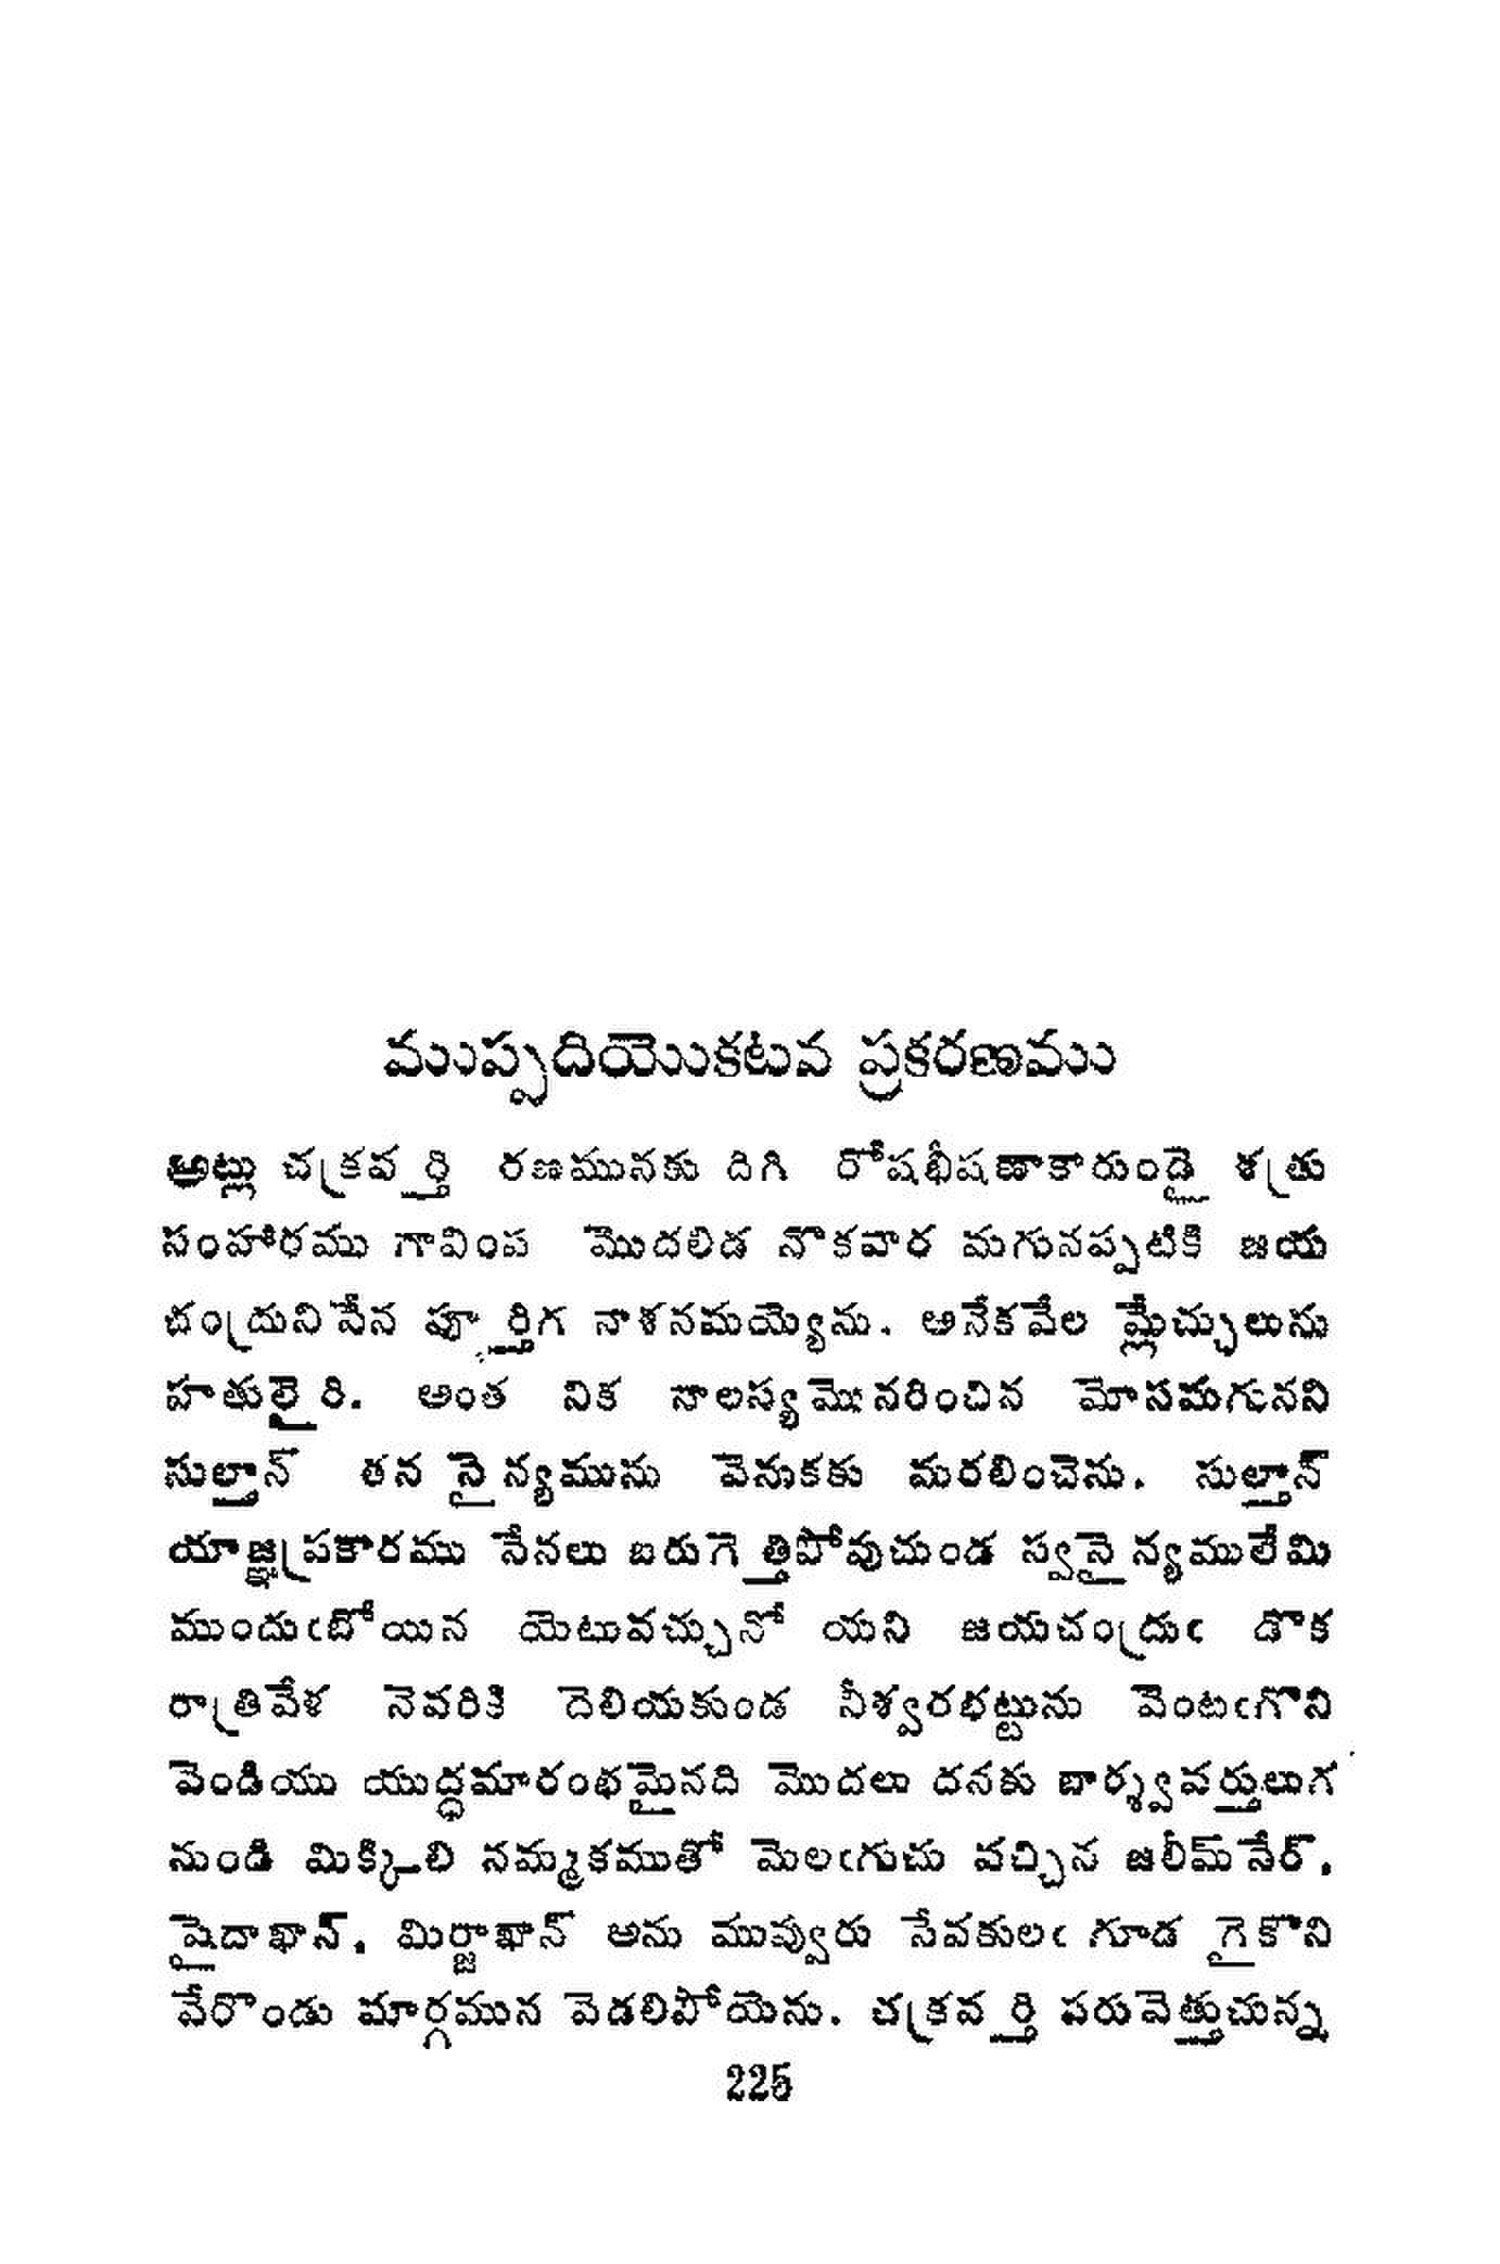ముప్పదియొకటవ ప్రకరణము

ట్లు చక్రవర్తి రణమునకు దిగి రోషభీషణాకారుండై శత్రు సంహారము గావింప మొదలిడ నొకవార మగునప్పటికి జయచంద్రునిసేన పూర్తిగ నాశనమయ్యెను. అనేక వేల మ్లేచ్చులును హతులైరి. అంత నిక నాలస్యమొనరించిన మోసమగునని సుల్తాన్ తన సైన్యమును వెనుకకు మరలించెను. సుల్తాన్ యాజ్ఞప్రకారము సేనలు బరుగెత్తిపోవుచుండ స్వసైన్యములేమి ముందుఁబోయిన యెటువచ్చునో యని జయచంద్రుఁ డొక రాత్రివేళ నెవరికి దెలియకుండ నీశ్వరభట్టును వెంటఁగొని వెండియు యుద్ధమారంభమైనది మొదలు దనకు దార్శ్వవర్తులుగ నుండి మిక్కిలి నమ్మకముతో మెలఁగుచు వచ్చిన జలీమ్‌నేర్, షైదాఖాన్, మిర్జాఖాన్ అను మువ్వురు సేవకులఁ గూడ గైకొని వేరొండు మార్గమున వెడలిపోయెను. చక్రవర్తి పరువెత్తుచున్న